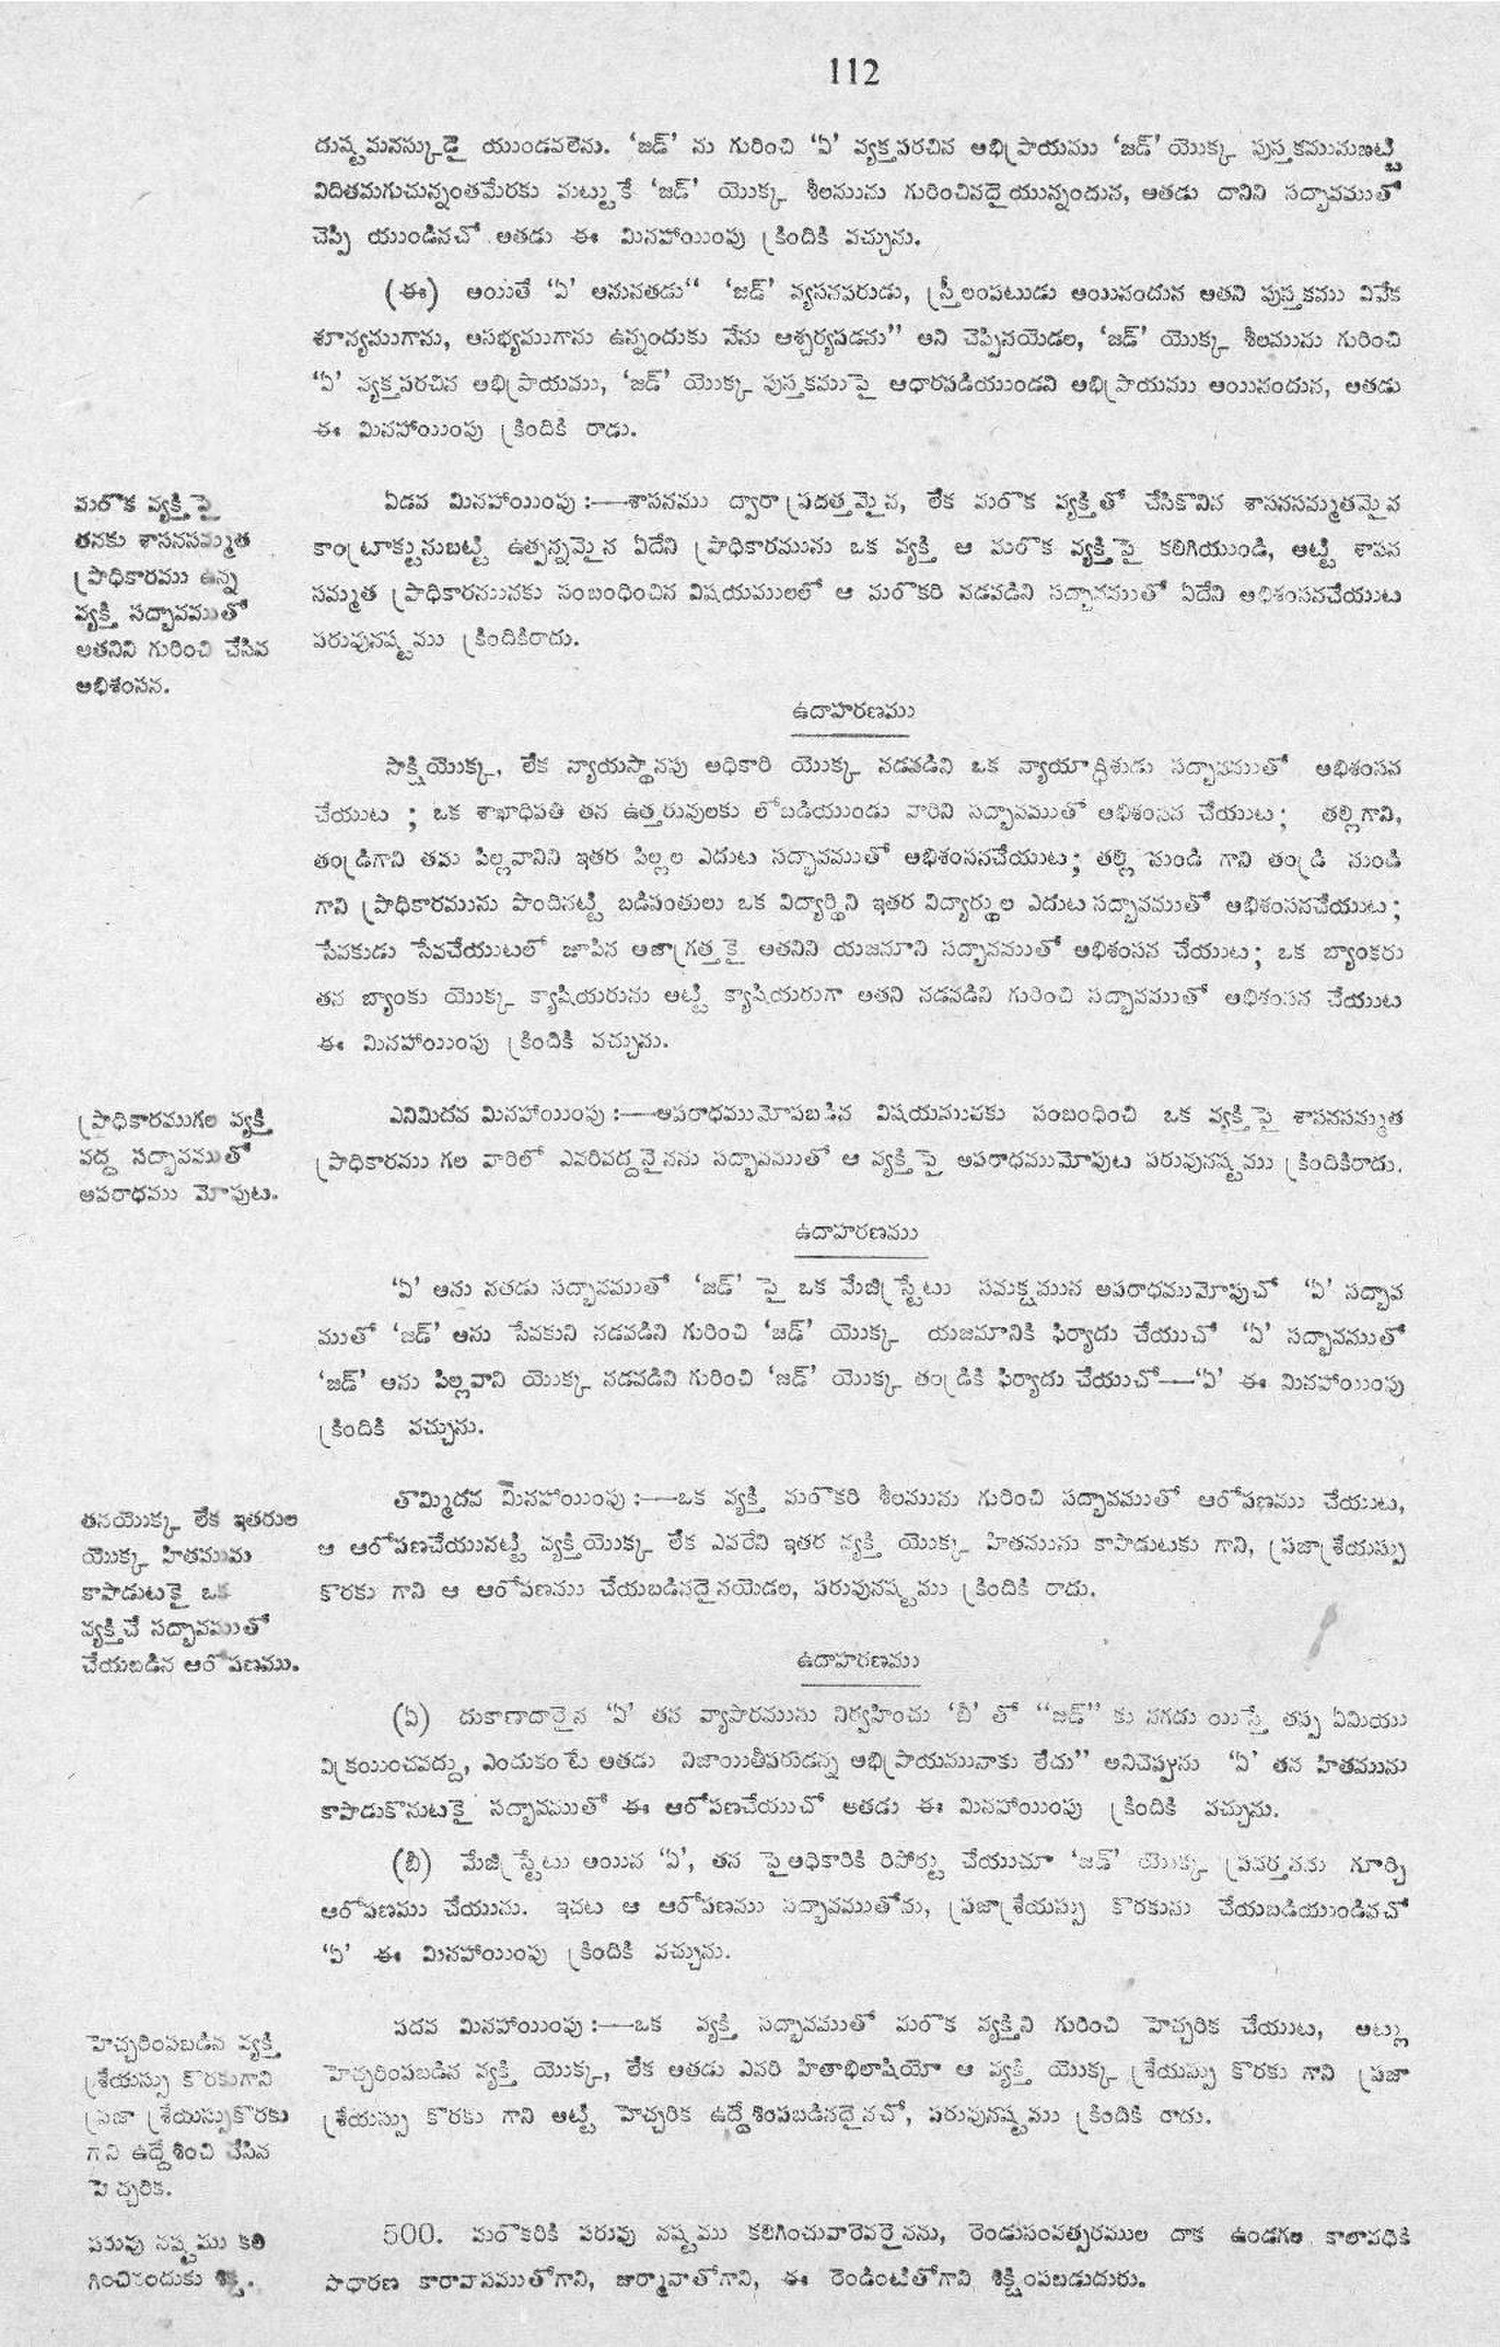దుష్ట మనస్కుడై యుండవలెను. 'జడ్' ను గురించి 'ఏ' వ్యక్త పరచిన అభిప్రాయము 'జడ్' యొక్క పుస్తకమునుబట్టి
విదితమగుచున్నంత మేరకు మట్టుకే 'జడ్' యొక్క శీలమును గురించినదై యున్నందున, ఆతడు దానిని సద్భావముతో చెప్పి యుండినచో అతడు ఈ మినహాయింపు క్రిందికి వచ్చును.

(ఈ) అయితే 'ఏ' అనునతడు “ 'జడ్' వ్యసనపరుడు, స్త్రీ లంపటుడు అయినందున అతని పుస్తకము వివేక శూన్యముగాను, అసభ్యముగాను ఉన్నందుకు నేను ఆశ్చర్యపడను" అని చెప్పినయెడల, 'జడ్' యొక్క శీలమును గురించి 'ఏ' స్యక్త పరచిన అభిప్రాయము, 'జడ్' యొక్క పుస్తకము పై ఆధారపడియుండని అభిప్రాయము అయినందున, అతడు ఈ మినహాయింపు క్రిందికి రాడు.

మరొక వ్యక్తిపై తనకు శాసనసమ్మత ప్రాధికారము ఉన్న వ్యక్తి సద్భావముతో అతనిని గురించి చేసిన అభిశంసన.

ఏడవ మినహాయింపు :--- శాసనము ద్వారా ప్రదత్త మైన, లేక మరొక వ్యక్తితో చేసికొనిన శాసనసమ్మతమైన కాంట్రాక్టునుబట్టి ఉత్పన్నమైన ఏదేని ప్రాధికారమును ఒక వ్యక్తి ఆ మరొక వ్యక్తి పై కలిగియుండి, అట్టి శాసన సమ్మత ప్రాధికారమునకు సంబంధించిన విషయములలో ఆ మరొకరి నడవడిని సద్భావముతో ఏదేని అభిశంసనచేయుట పరువునష్టము క్రిందికిరాదు.

సాక్షి యొక్క, లేక న్యాయస్థానపు అధికారి యొక్క నడవడిని ఒక న్యాయాధీశుడు సద్భావముతో అభిశంసన చేయుట ; ఒక శాఖాధిపతి తన ఉత్తరువులకు లోబడియుండు వారిని సద్భావముతో అభిశంసన చేయుట; తల్లి గాని, తండ్రిగాని తమ పిల్ల వానిని ఇతర పిల్లల ఎదుట సద్భావముతో అభిశంసనచేయుట, తల్లి నుండి గాని తండ్రి నుండి గాని ప్రాధికారమును పొందినట్టి బడిపంతులు ఒక విద్యార్థిని ఇతర విద్యార్థుల ఎదుట సద్భావముతో అభిశంసనచేయుట; సేవకుడు సేవచేయుటలో జూపిన అజాగ్రత్త కై అతనిని యజమాని సద్భావముతో అభిశంసన చేయుట; ఒక బ్యాంకరు తన బ్యాంకు యొక్క క్యాషియరును అట్టి క్యాషియరుగా అతని నడవడిని గురించి సద్భావముతో అభిశంసన చేయుట ఈ మినహాయింపు క్రిందికి వచ్చును.

ప్రాధికారముగల వ్యక్తి వద్ద సద్భావముతో అపరాధము మోపుట.

ఎనిమిదవ మినహాయింపు :- ఆపరాధము మోపబడిన విషయమునకు సంబంధించి ఒక వ్యక్తి పై శాసనసమ్మత ప్రాధికారము గల వారిలో ఎవరివద్ద నైనను సద్భావముతో ఆ వ్యక్తి పై అపరాధము మోపుట పరువునష్టము క్రిందికిరాదు.

ఏ' అను నతడు సద్భావముతో 'జడ్' పై ఒక మేజి స్టేటు సమక్షమున అపరాధము మోపుచో 'ఏ' సద్భావముతో 'జడ్' అను సేవకుని నడవడిని గురించి 'జడ్' యొక్క యజమానికి ఫిర్యాదు చేయుచో 'ఏ' సద్భావముతో 'జడ్' అను పిల్ల వాని యొక్క నడవడిని గురించి 'జడ్' యొక్క తండ్రికి ఫిర్యాదు చేయుచో-- 'ఏ' ఈ మినహాయింపు క్రిందికి వచ్చును.

తనయొక్క లేక ఇతరుల యొక్క హితమును కాపాడుటకై ఒక వ్యక్తి చే సద్భావముతో చేయబడిన ఆరో పణము.

తొమ్మిదవ మినహాయింపు : --ఒక వ్యక్తి మరొకరి శీలమును గురించి సద్భావముతో ఆరోపణము చేయుట, ఆ ఆరోపణచేయునట్టి వ్యక్తి యొక్క లేక ఎవరేని ఇతర వ్యక్తి యొక్క హితమును కాపాడుటకు గాని, ప్రజా శ్రేయస్సు కొరకు గాని ఆ ఆరోపణము చేయబడినదైన యెడల, పరువునష్టము క్రిందికి రాదు.

(ఏ) దుకాగాదారైన 'ఏ' తన వ్యాపారమును నిర్వహించు 'బి' తొ "జడ్" కు నగదు యిస్తే తప్ప ఏమియు విక్రయించవద్దు, ఎందుకంటే అతడు నిజాయితీపరుడన్న అభిప్రాయము నాకు లేదు” అని చెప్పును 'ఏ' తన హితమును కాపాడుకొనుటకై సద్భావముతో ఈ ఆరోపణచేయుచో అతడు ఈ మినహాయింపు క్రిందికి వచ్చును.

(బి) మేజి స్టేటు అయిన 'ఏ', తన పై అధికారికి రిపోర్ట్ చేయుచూ "జడ్" యొక్క ప్రవర్తనను గూర్చి ఆరోపణము చేయును. ఇచట ఆ ఆరోపణను సద్భావముతోను, ప్రజా శ్రేయస్సు కొరకును చేయబడియుండినచో 'ఏ' ఈ మినహాయింపు క్రిందికి వచ్చును.

హెచ్చరింపబడిన వ్యక్తి శ్రేయస్సు కొరకుగాని ప్రజా శ్రేయస్సు కొరకు గాని ఉద్దేశించి చేసిన హెచ్చరిక

పదవ మినహాయింపు : ---ఒక వ్యక్తి సద్భావముతో మరొక వ్యక్తిని గురించి హెచ్చరిక చేయుట, అట్లు హెచ్చరింపబడిన వ్యక్తి యొక్క, లేక అతడు ఎవరి హితాభిలాషియో ఆ వ్యక్తి యొక్క శ్రేయస్సు కొరకు గాని ప్రజా శ్రేయస్సు కొరకు గాని అట్టి హెచ్చరిక ఉద్దేశింపబడినదైనచో, పరువునష్టము క్రిందికి రాదు.

పరువు నష్టము కలిగించేందుకు శిక్ష.

500. మరొకరికి పరువు నష్టము కలిగించువారెవరైనను, రెండు సంవత్సరముల దాక ఉండగల కాలావధికి సాధారణ కారావాసముతోగాని, జుర్మానాతో గాని, ఈ రెండింటిలోగాని శిక్షింపబడుదురు.